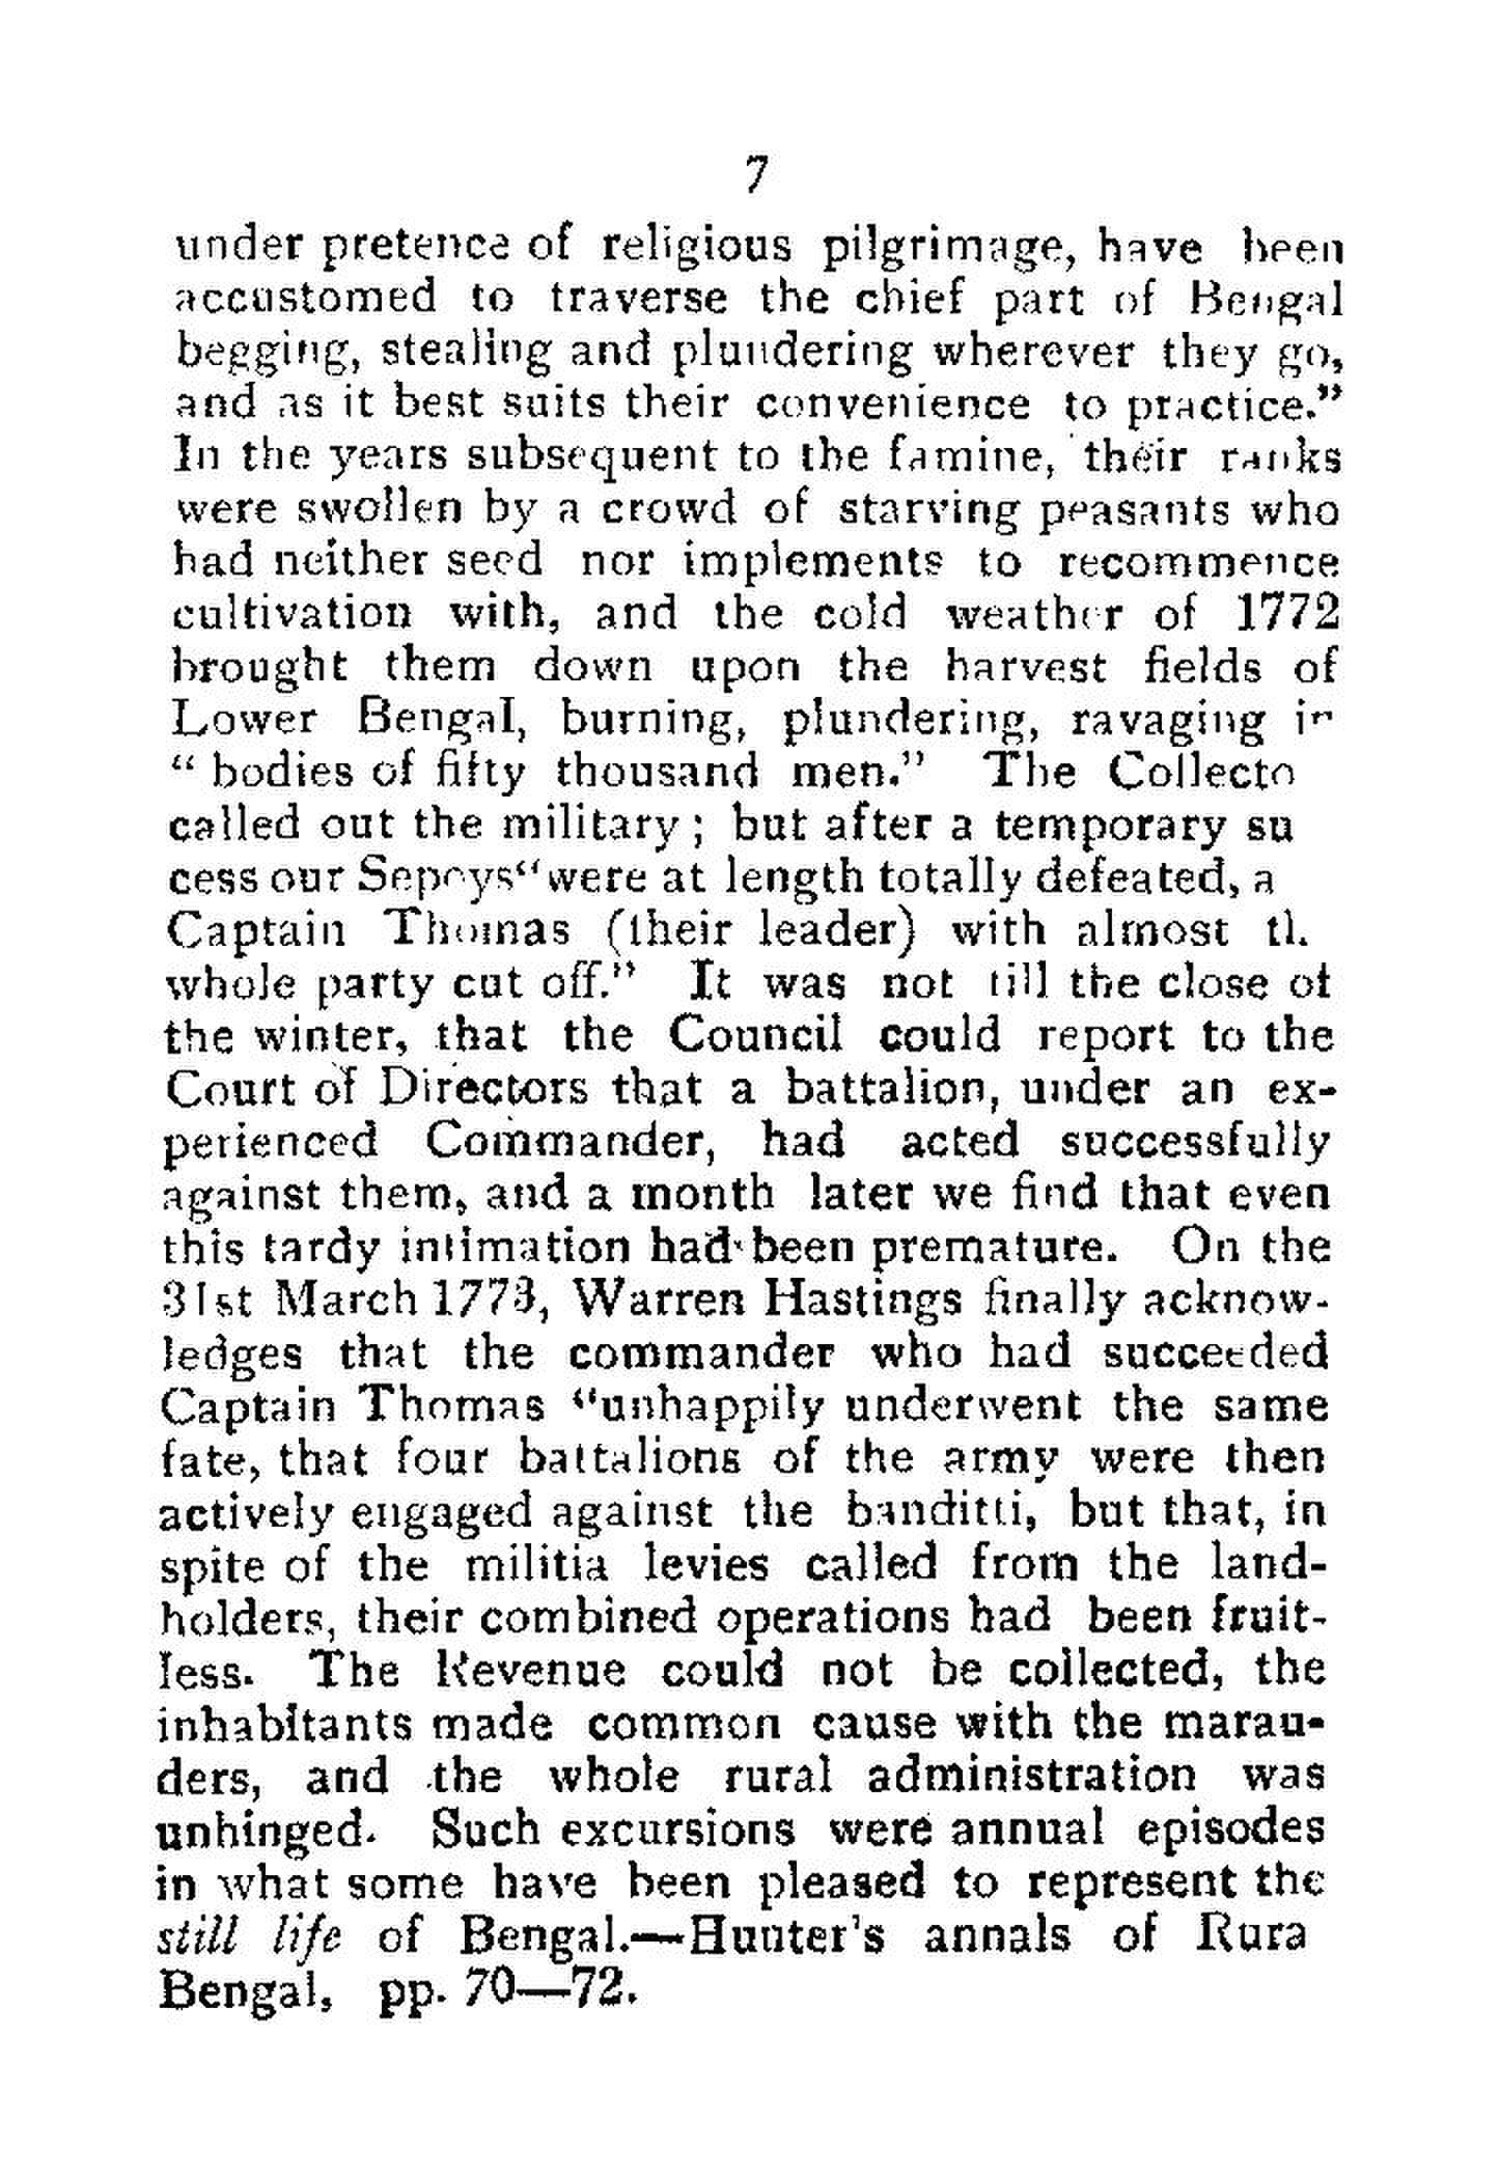under pretence of religious pilgrimage, have been accustomed to traverse the chief part of Bengal begging, stealing and plundering wherever they go, and as it best suits their convenience to practice." In the years subsequent to the famine, their ranks were swollen by a crowd of starving peasants who had neither seed nor implements to recommence cultivation with, and the cold weather of 1772 hrought them down upon the harvest fields of Lower Bengal, burning, plundering, ravaging in bodies of fifty thousand men." The Collector called out the military; but after a temporary success our Sepoys" were at length totally defeated, a Captain Thomas (their leader) with almost the whole party cut off." It was not till the close of the winter, that the Council could report to the
Court of Directors that a battalion, under an experienced Commander, had acted successfully against them, and a month later we find that even this tardy intimation had been premature. On the
31st March 1773, Warren Hastings finally acknowledges that the commander who had succeeded Captain Thomas "unhappily underwent the same fate, that four battalions of the army were then actively engaged against the banditti, but that, in spite of the militia levies called from the land-holders, their combined operations had been fruitless. The Revenue could not be collected, the inhabitants made common cause with the marauders, and the whole rural administration was unhinged. Such excursions were annual episodes
in what some have been pleased to represent the still life of Bengal.—Hunter's annals of Rural Bengal, pp. 70–72.